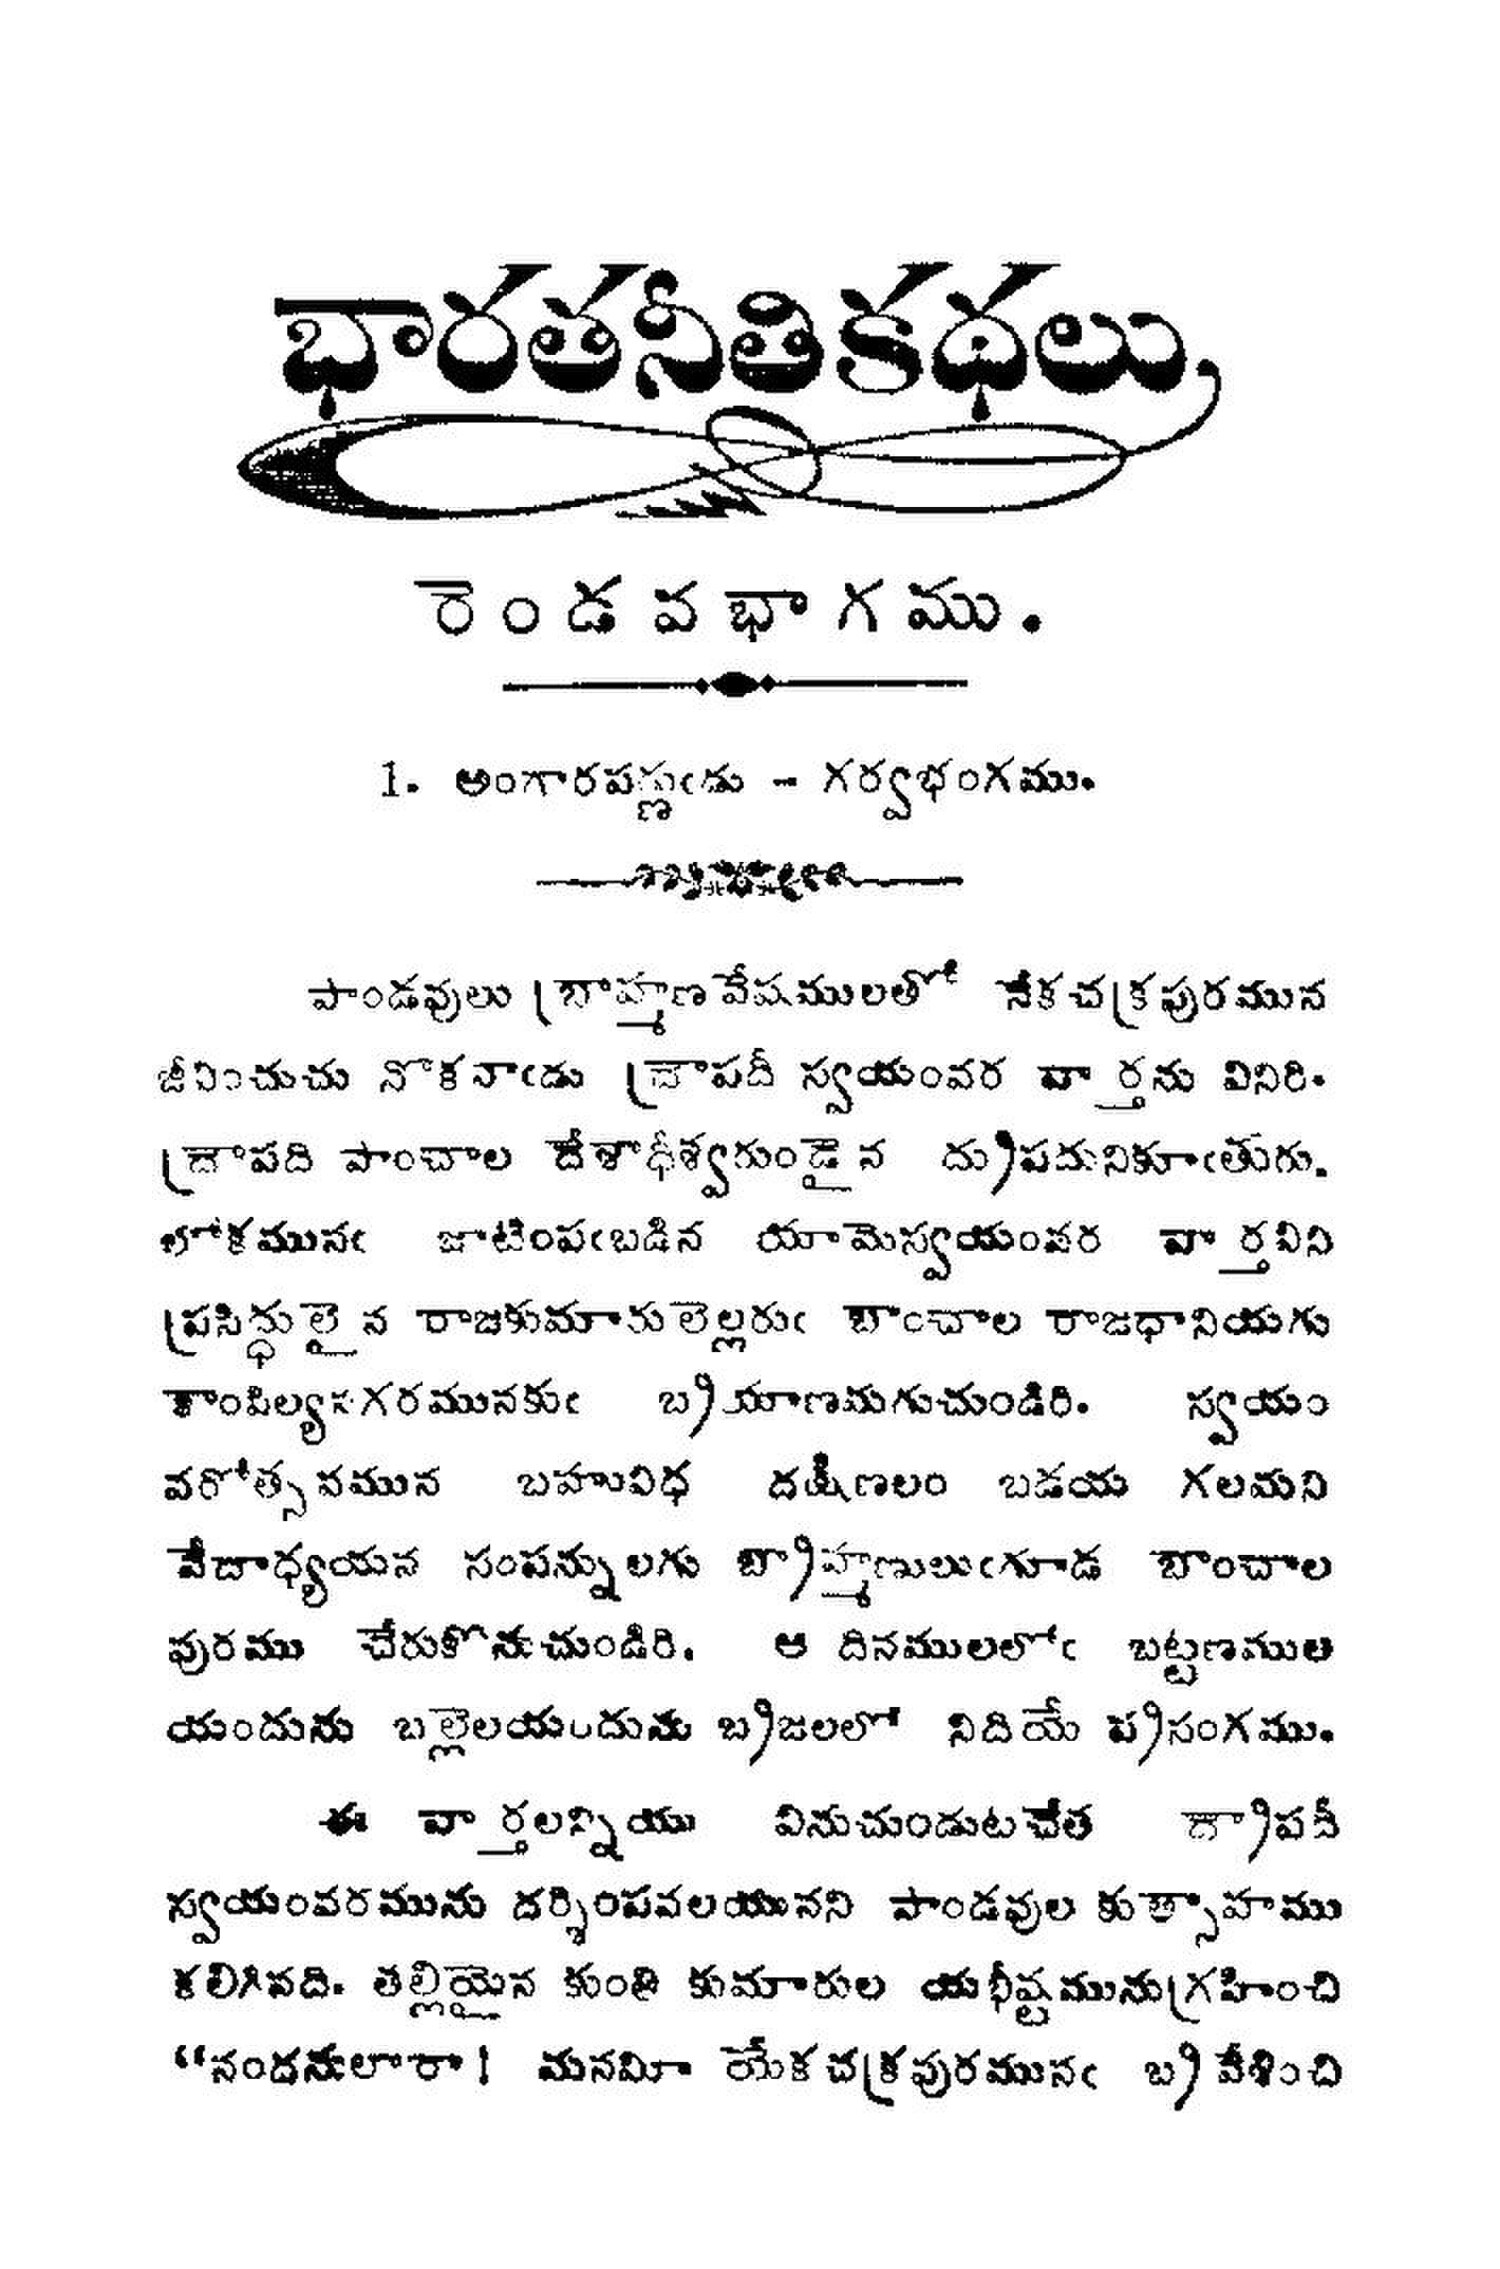భారతనీతికథలు
రెండవ భాగము.
1. అంగారపర్ణుఁడు - గర్వభంగము.

పాండవులు బ్రాహ్మణవేషములతో నేకచక్రపురమున జీవించుచు నొకనాఁడు ద్రౌపదీ స్వయంవర వార్తను వినిరి. ద్రౌపది పాంచాల దేశాధీశ్వరుండైన ద్రుపదునికూఁతురు. లోకమునఁ జాటింపఁబడిన యామెస్వయంవర వార్తవిని ప్రసిద్ధులైన రాజకుమారులెల్లరుఁ బాంచాల రాజధానియగు కాంపిల్యనగరమునకుఁ బ్రయాణమగుచుండిరి. స్వయంవరోత్సవమున బహువిధ దక్షిణలం బడయ గలమని వేదాధ్యయన సంపన్నులగు బ్రాహ్మణులుఁగూడ బాంచాలవురము చేరుకొనుచుండిరి. ఆ దినములలోఁ బట్టణయుల యందును బల్లెలయందును బ్రజలలో నిదియే ప్రసంగము.

ఈ వార్తలన్నియు వినుచుండుటచేత ద్రౌపదీ స్వయంవరమును దర్శింపవలయునని పాండవుల కుత్సాహము కలిగినది. తల్లియైన కుంతి కుమారుల యభీష్టమును గ్రహించి